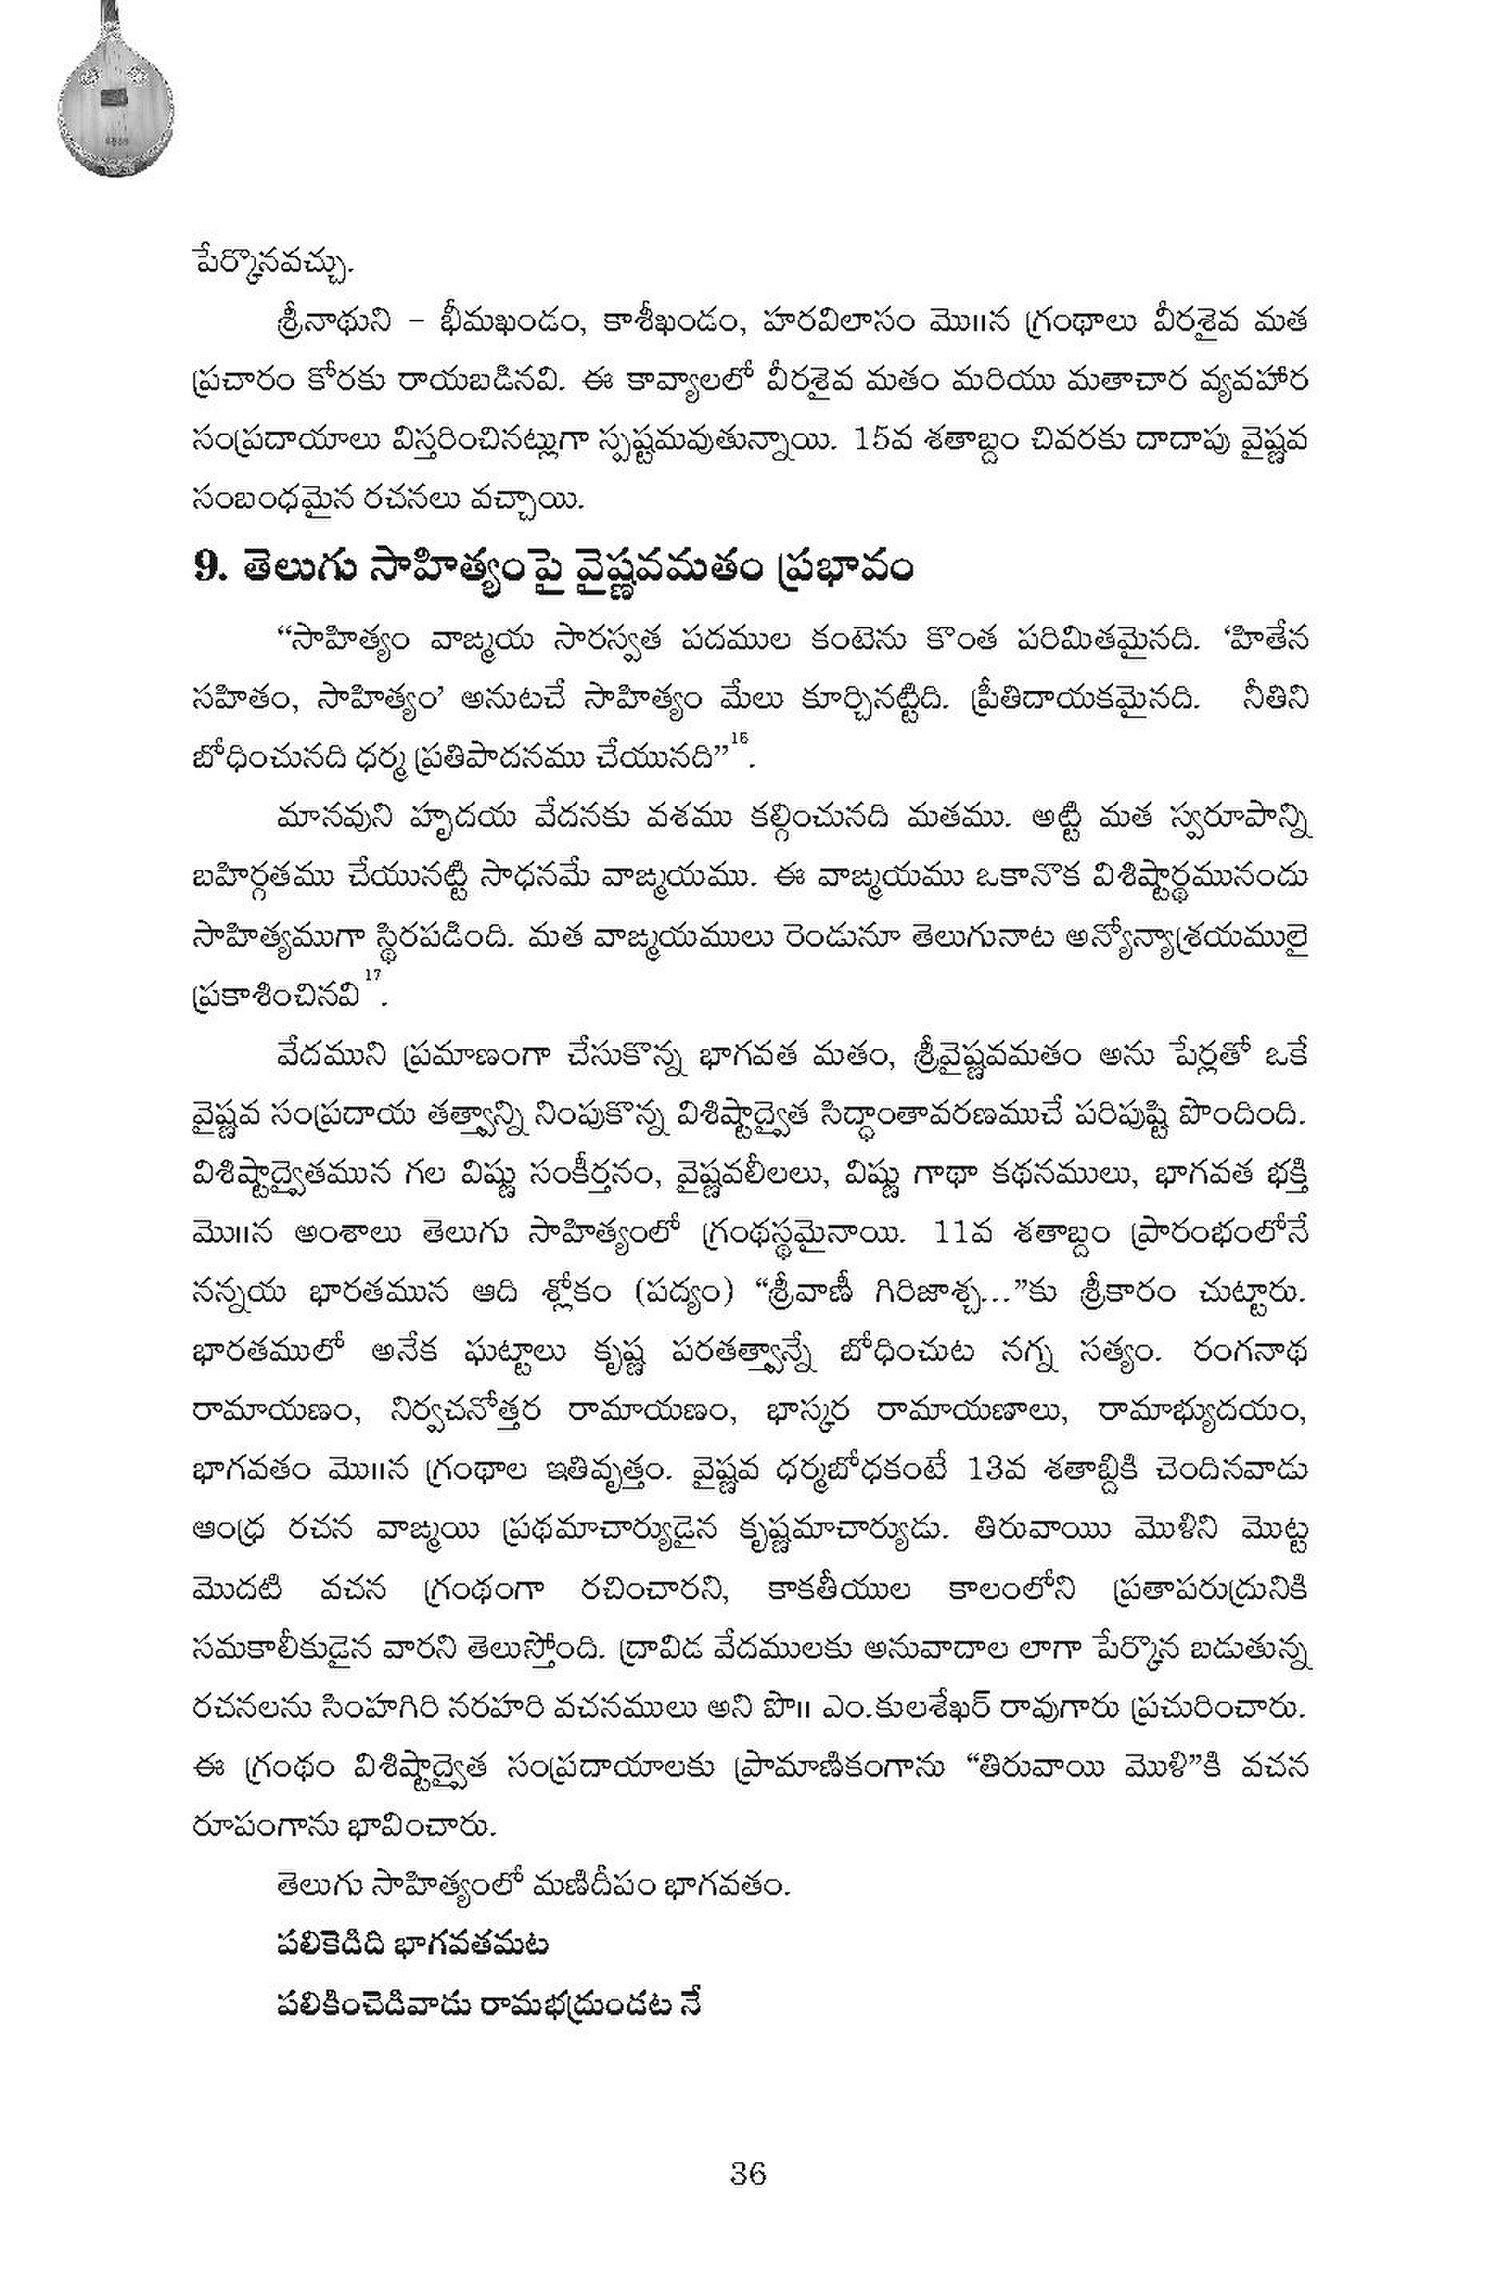పేర్కొనవచ్చు.

శ్రీనాథుని - భీమఖండం, కాశీఖండం, హరవిలాసం మొ౹౹న గ్రంథాలు వీరశైవ మత ప్రచారం కోరకు రాయబడినవి. ఈ కావ్యాలలో వీరశైవ మతం మరియు మతాచార వ్యవహార సంప్రదాయాలు విస్తరించినట్లుగా స్పష్టమవుతున్నాయి. 15వ శతాబ్దం చివరకు దాదాపు వైష్ణవ సంబంధమైన రచనలు వచ్చాయి.

9. తెలుగు సాహిత్యంపై వైష్ణవమతం ప్రభావం 

"సాహిత్యం వాఙ్మయ సారస్వత పదముల కంటెను కొంత పరిమితమైనది. 'హితేన సహితం, సాహిత్యం' అనుటచే సాహిత్యం మేలు కూర్చినట్టిది. ప్రీతిదాయకమైనది. నీతిని బోధించునది ధర్మ ప్రతిపాదనము చేయునది"16.

మానవుని హృదయ వేదనకు వశము కల్గించునది మతము. అట్టి మత స్వరూపాన్ని బహిర్గతము చేయునట్టి సాధనమే వాఙ్మయము. ఈ వాఙ్మయము ఒకానొక విశిష్టార్థమునందు సాహిత్యముగా స్థిరపడింది. మత వాఙ్మయములు రెండునూ తెలుగునాట అన్యోన్యాశ్రయములై ప్రకాశించినవి".17

వేదముని ప్రమాణంగా చేసుకొన్న భాగవత మతం, శ్రీవైష్ణవమతం అను పేర్లతో ఒకే వైష్ణవ సంప్రదాయ తత్త్వాన్ని నింపుకొన్న విశిష్టాద్వైత సిద్ధాంతావరణముచే పరిపుష్టి పొందింది. విశిష్టాద్వైతమున గల విష్ణు సంకీర్తనం, వైష్ణవలీలలు, విష్ణు గాథా కథనములు, భాగవత భక్తి మొ౹౹న అంశాలు తెలుగు సాహిత్యంలో గ్రంథస్థమైనాయి. 11వ శతాబ్దం ప్రారంభం లోనే నన్నయ భారతమున ఆది శ్లోకం (పద్యం) "శ్రీవాణీ గిరిజాశ్చ..."కు శ్రీకారం చుట్టారు. భారతములో అనేక ఘట్టాలు కృష్ణ పరతత్త్వాన్నే బోధించుట నగ్న సత్యం. రంగనాథ రామాయణం, నిర్వచనోత్తర రామాయణం, భాస్కర రామాయణాలు, రామాభ్యుదయం, భాగవతం మొ౹౹న గ్రంథాల ఇతివృత్తం. వైష్ణవ ధర్మబోధకంటే 13వ శతాబ్దికి చెందినవాడు ఆంధ్ర రచన వాఙ్మయి ప్రథమాచార్యుడైన కృష్ణమాచార్యుడు. తిరువాయి మొళిని మొట్ట మొదటి వచన గ్రంథంగా రచించారని, కాకతీయుల కాలంలోని ప్రతాపరుద్రునికి సమకాలీకుడైన వారని తెలుస్తోంది. ద్రావిడ వేదములకు అనువాదాల లాగా పేర్కొన బడుతున్న రచనలను సింహగిరి నరహరి వచనములు అని పొ॥ ఎం.కులశేఖర్ రావుగారు ప్రచురించారు. ఈ గ్రంథం విశిష్టాద్వైత సంప్రదాయాలకు ప్రామాణికంగాను "తిరువాయి మొళి”కి వచన రూపంగాను భావించారు.

తెలుగు సాహిత్యంలో మణిదీపం భాగవతం.

పలికెడిది భాగవతమట
పలికించెడివాడు రామభద్రుండట నే